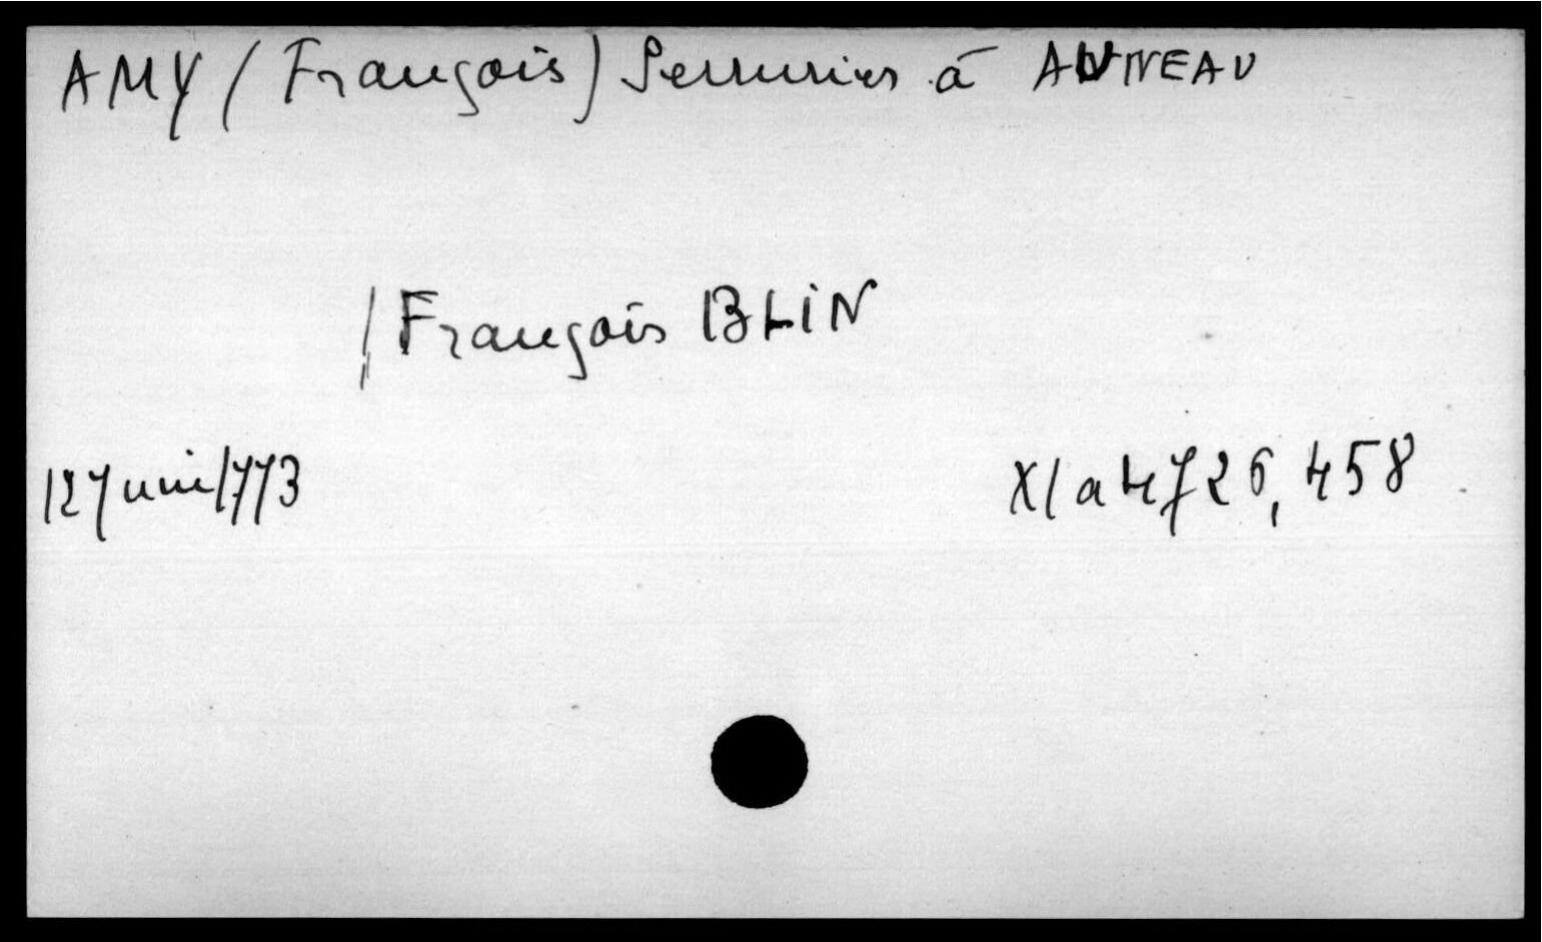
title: AMY (François) Serrurier à AUNEAU
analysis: Contre François BLIN
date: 12 juin 1773
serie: X1a
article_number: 4726
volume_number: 458
